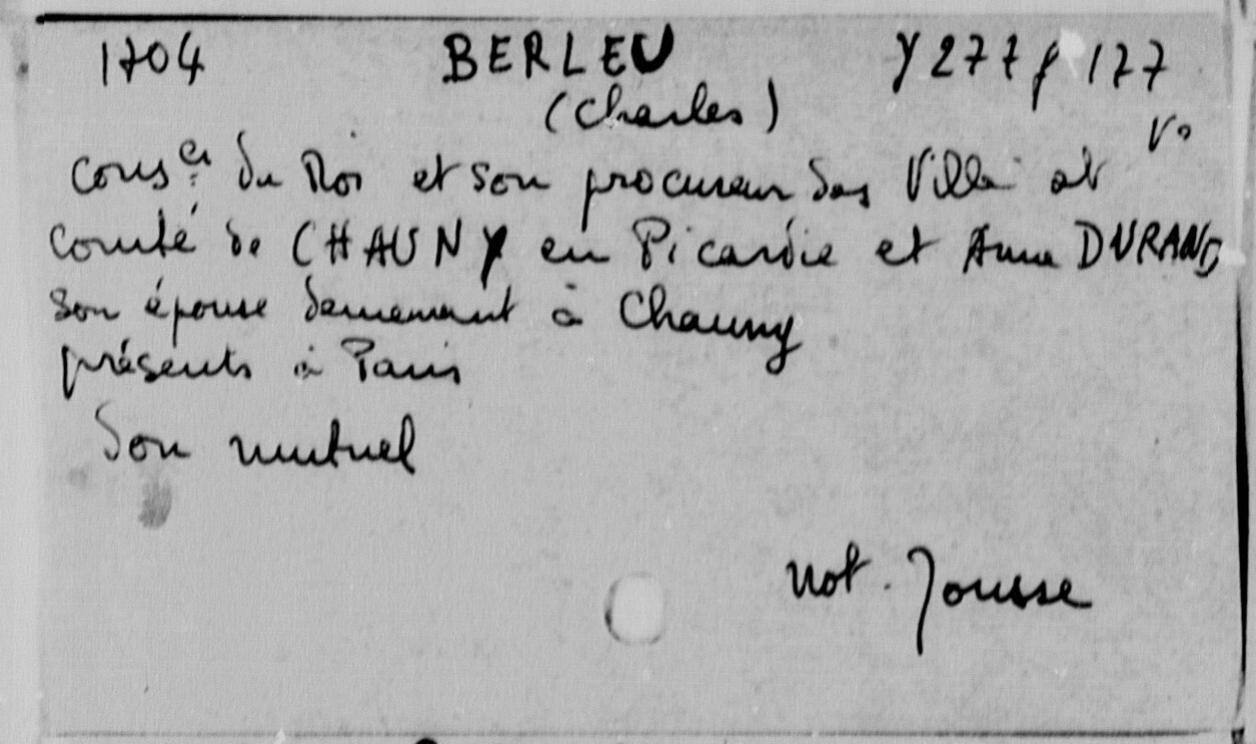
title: BERLEU (Charles)
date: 1704
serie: Y
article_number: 277
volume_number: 177v
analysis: Conseiller du roi et son procureur des ville et comté de CHAUNY en Picardie et Anne DURAND, son épouse demeurant à Chauny présents à Paris. Don mutuel. Notaire Jousse
